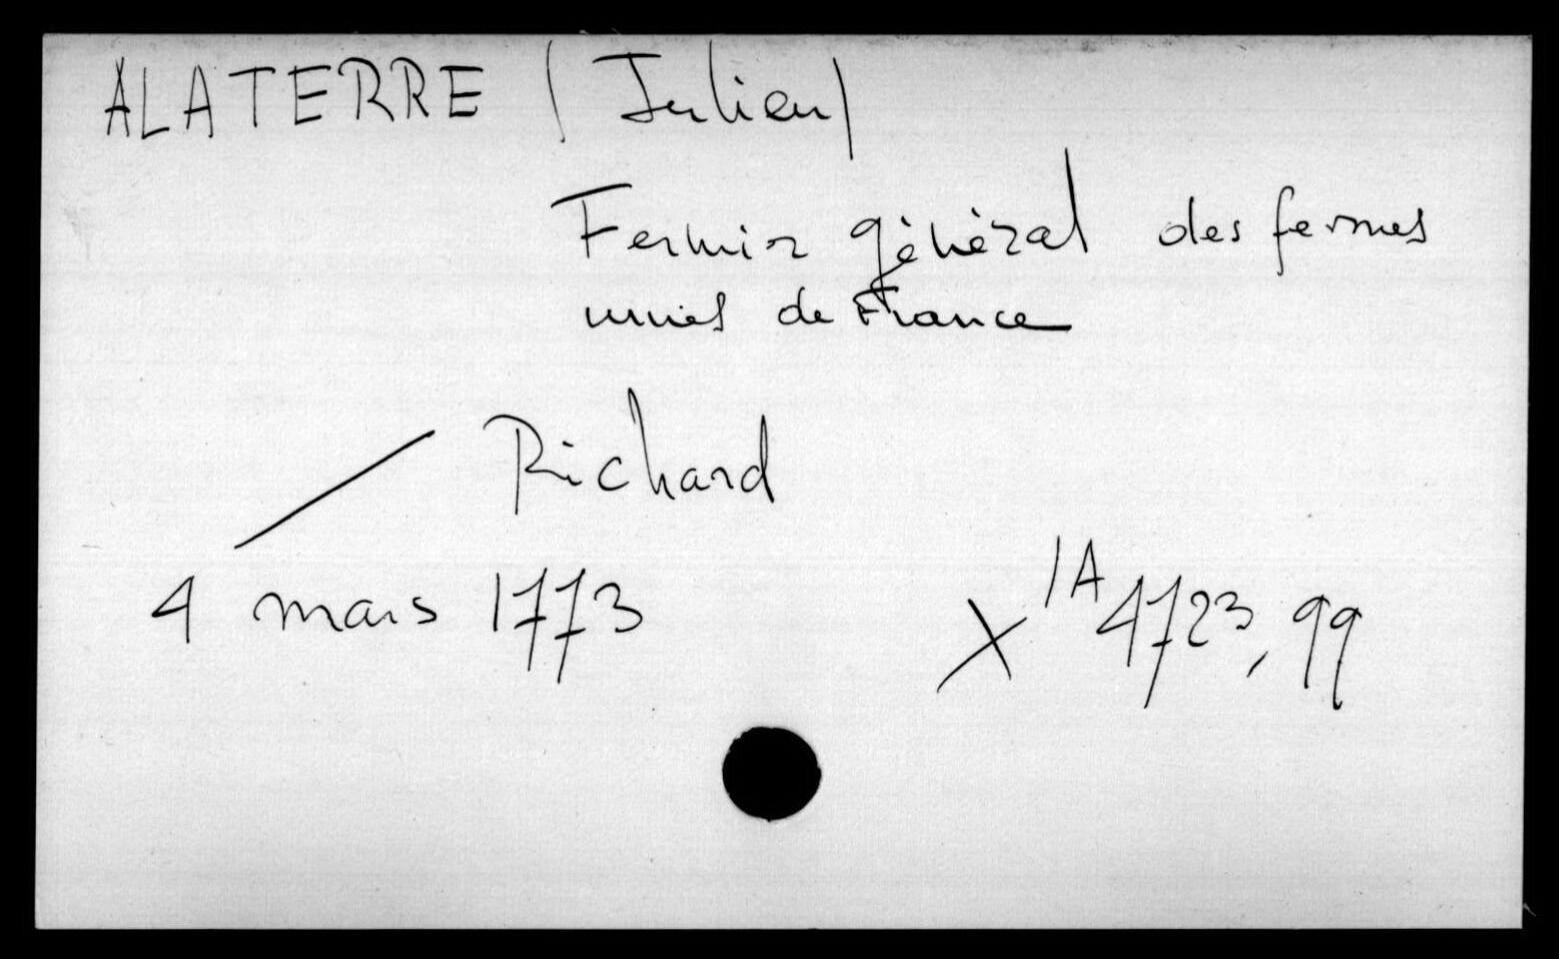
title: ALATERRE (Julien) Fermier général des fermes unies de France
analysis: Contre Richard
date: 4 mars 1773
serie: X1A
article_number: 4723
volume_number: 99
